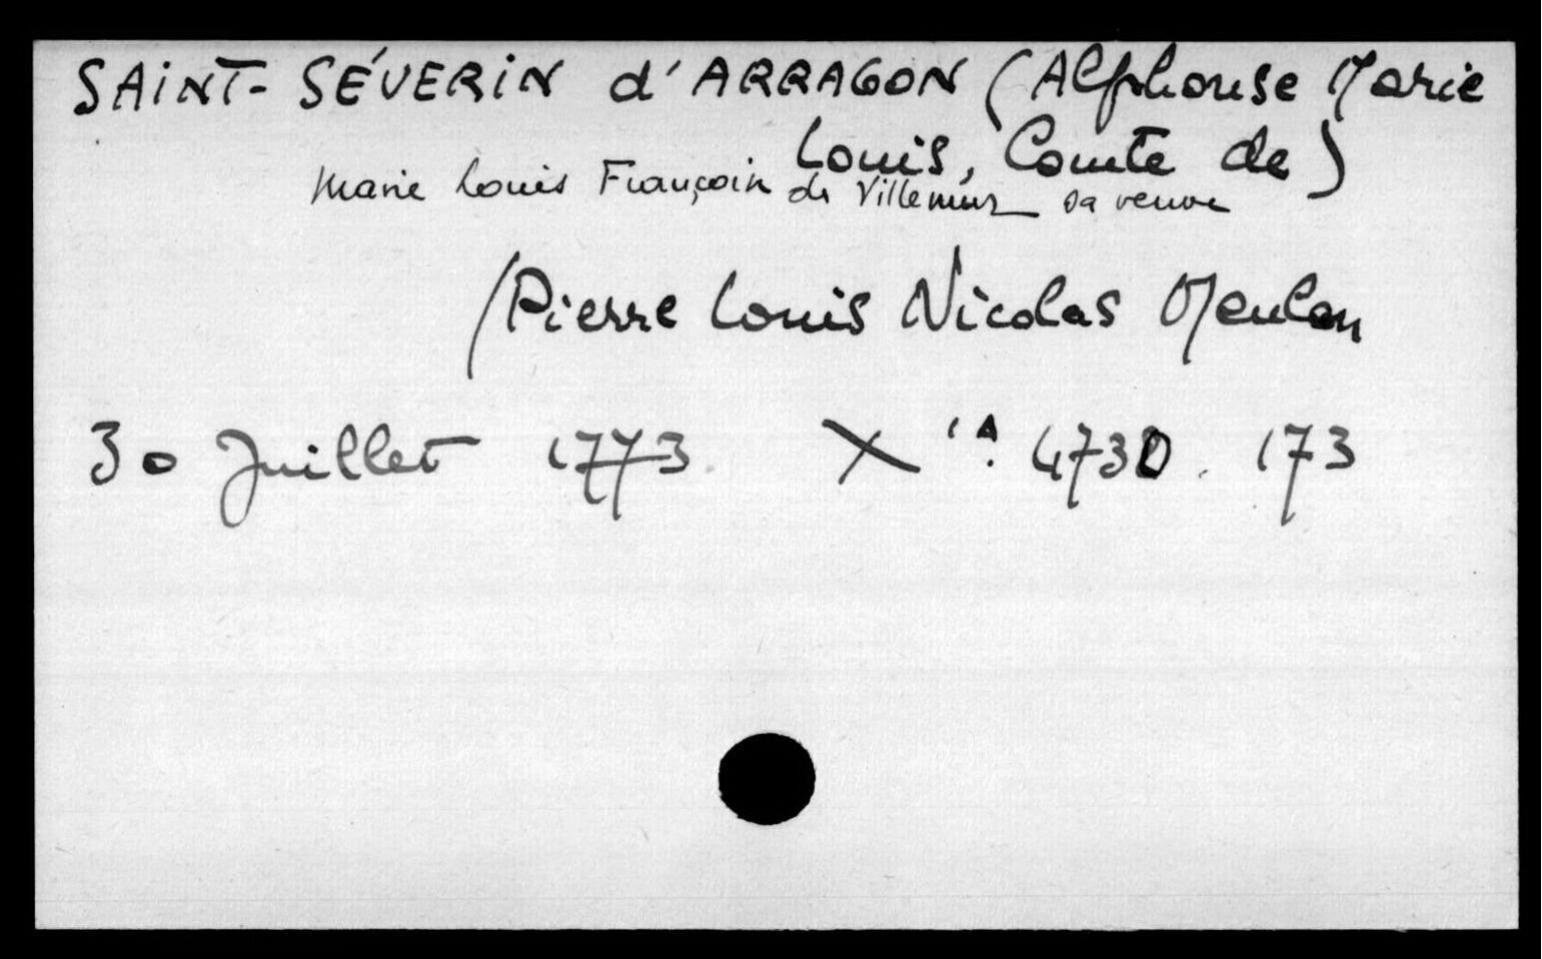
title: SAINT-SEVERIN d'ARRAGON (Alphonse Marie marie Louis François de Villemur sa veuve
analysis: Contre Pierre Louis Nicolas Meulan
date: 30 juillet 1773
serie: X1A
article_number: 4730
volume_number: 173
